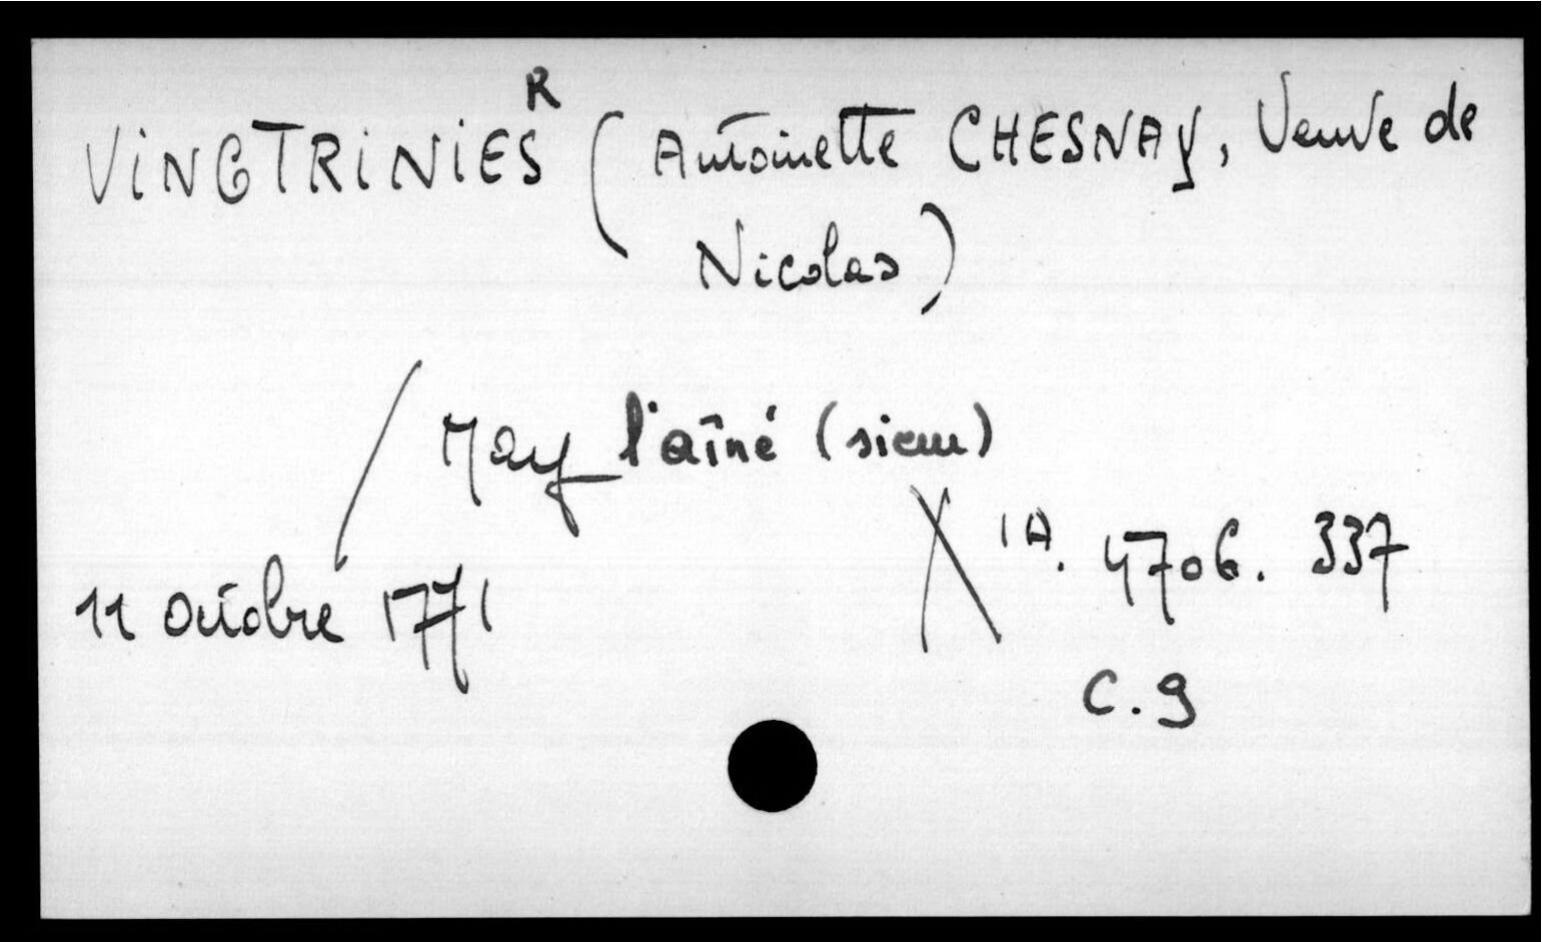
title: VINGRINIES (Antoinette CHESNAY, Veuve de Nicolas)
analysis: Contre May l'ainé (sieur)
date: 11 octobre 1771
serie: X1A
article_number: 4706
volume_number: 337 Conseil, 9
